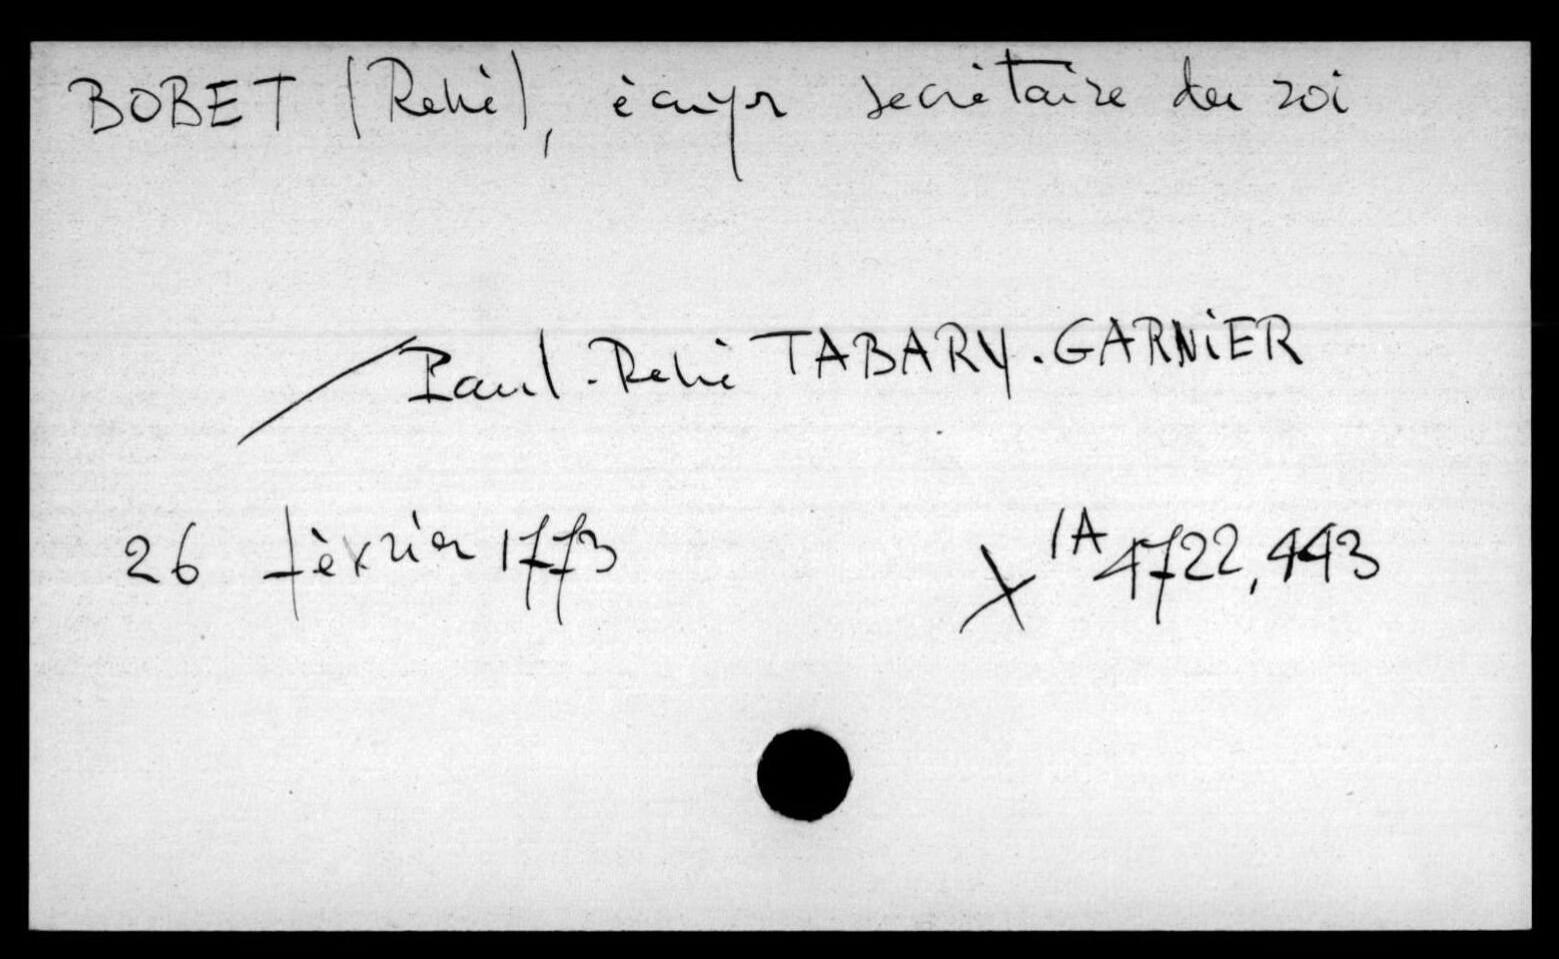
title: BOBET (René), écuyer Secrétaire des roi
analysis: Contre Paul-René TABARY-GARNIER
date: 26 février 1773
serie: X1A
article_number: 4722
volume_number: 443
